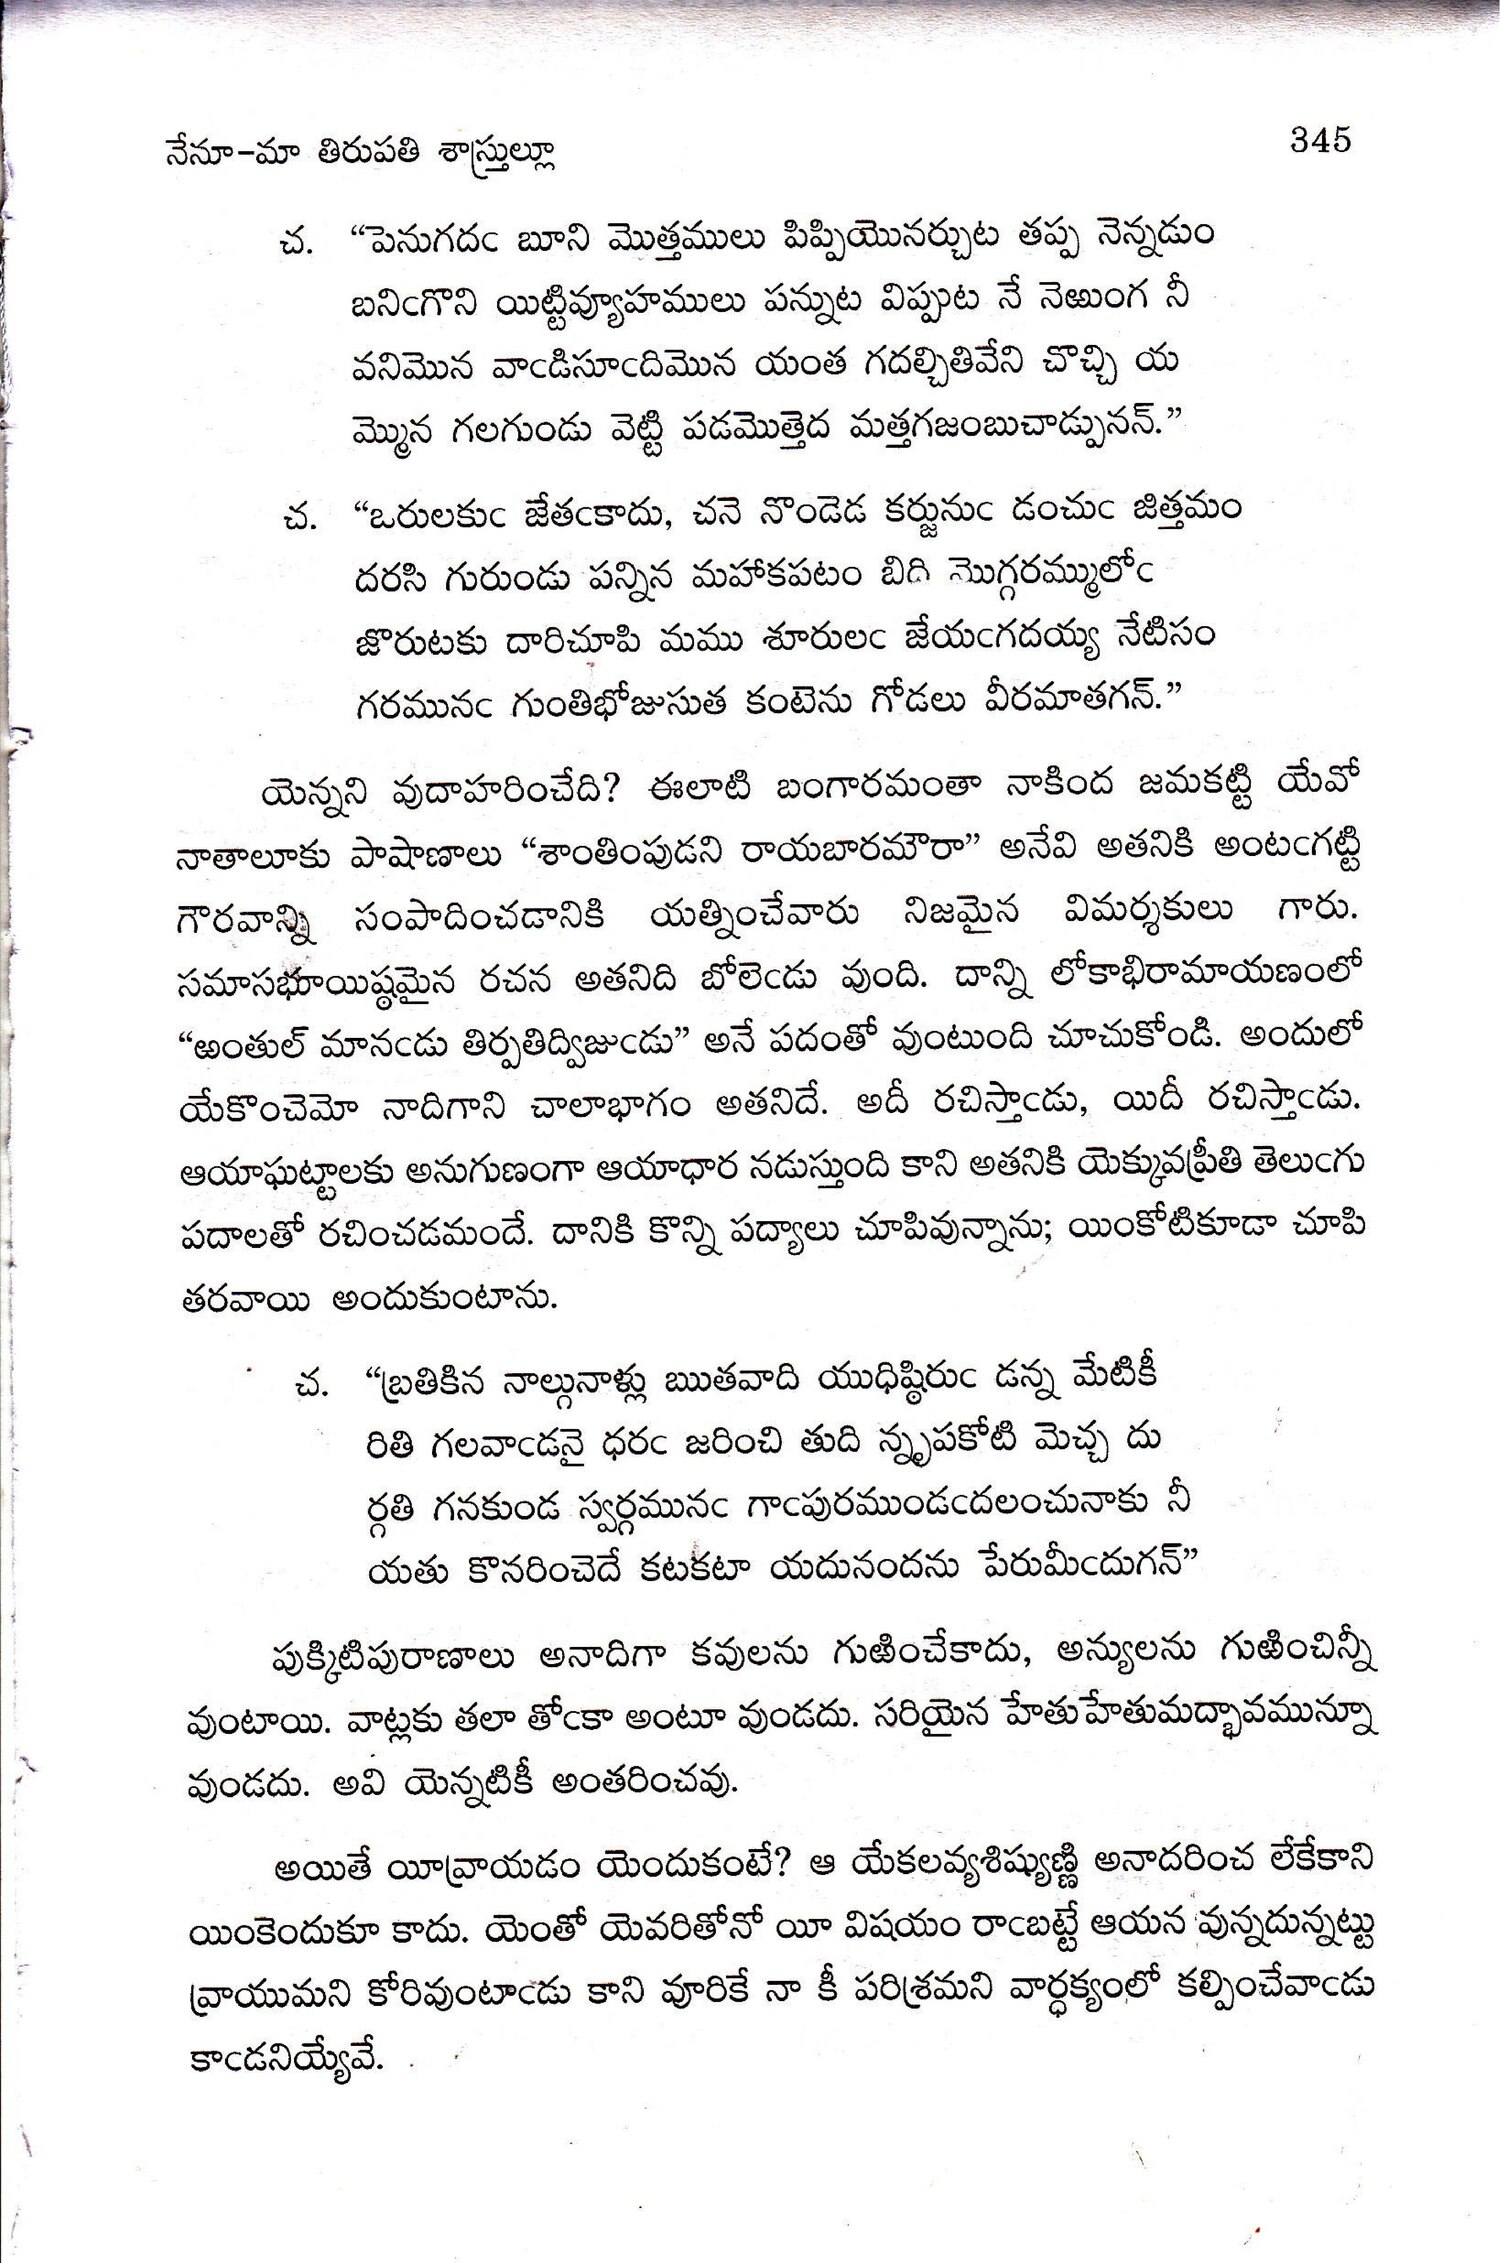చ. "పెనుగదఁ బూని మొత్తములు పిప్పియొనర్చుట తప్ప నెన్నడుం
 బనిఁగొని యిట్టివ్యూహములు పన్నుట విప్పుట నే నెఱుంగ నీ 
 వనిమొన వాఁడిసూఁదిమొన యంత గదల్చితివేని చొచ్చి య 
 మ్మొన గలగుండు వెట్టి పడమొత్తెద మత్తగజంబుచాడ్పునన్."

చ. “ఒరులకుఁ జేతఁకాదు, చనె నొండెడ కర్జునుఁ డంచుఁ జిత్తమం 
 దరసి గురుండు పన్నిన మహాకపటం బిగి మొగ్గరమ్ములోఁ 
 జొరుటకు దారిచూపి మము శూరులఁ జేయఁగదయ్య నేటిసం 
 గరమునఁ గుంతిభోజుసుత కంటెను గోడలు వీరమాతగన్."
యెన్నని వుదాహరించేది? ఈలాటి బంగారమంతా నాకింద జమకట్టి యేవో నాతాలూకు పాషాణాలు “శాంతింపుడని రాయబారమౌరా" అనేవి అతనికి అంటఁగట్టి గౌరవాన్ని సంపాదించడానికి యత్నించేవారు నిజమైన విమర్శకులు గారు. సమాసభూయిష్ఠమైన రచన అతనిది బోలెఁడు వుంది. దాన్ని లోకాభిరామాయణంలో “ఱంతుల్ మానఁడు తిర్పతిద్విజుఁడు" అనే పదంతో వుంటుంది చూచుకోండి. అందులో యేకొంచెమో నాదిగాని చాలాభాగం అతనిదే. అదీ రచిస్తాఁడు, యిదీ రచిస్తాఁడు. ఆయాఘట్టాలకు అనుగుణంగా ఆయాధార నడుస్తుంది కాని అతనికి యెక్కువప్రీతి తెలుఁగు పదాలతో రచించడమందే. దానికి కొన్ని పద్యాలు చూపివున్నాను; యింకోటికూడా చూపి తరవాయి అందుకుంటాను. 

చ. "బ్రతికిన నాల్గునాళ్లు ఋతవాది యుధిష్ఠిరుఁ డన్న మేటికీ
 రితి గలవాఁడనై ధరఁ జరించి తుది న్నృపకోటి మెచ్చ దు 
 ర్గతి గనకుండ స్వర్గమునఁ గాఁపురముండఁదలంచునాకు నీ 
 యతు కొనరించెదే కటకటా యదునందను పేరుమీఁదుగన్'
పుక్కిటిపురాణాలు అనాదిగా కవులను గుఱించేకాదు, అన్యులను గుణించిన్నీ వుంటాయి. వాట్లకు తలా తోఁకా అంటూ వుండదు. సరియైన హేతుహేతుమద్భావమున్నూ వుండదు. అవి యొన్నటికీ అంతరించవు.

అయితే యీ వ్రాయడం యెందుకంటే? ఆ యేకలవ్యశిష్యుణ్ణి అనాదరించ లేకేకాని యింకెందుకూ కాదు. యెంతో యెవరితోనో యీ విషయం రాఁబట్టే ఆయన వున్నదున్నట్టు వ్రాయుమని కోరివుంటాఁడు కాని వూరికే నా కీ పరిశ్రమని వార్ధక్యంలో కల్పించేవాఁడు కాఁడనియ్యేవే. .